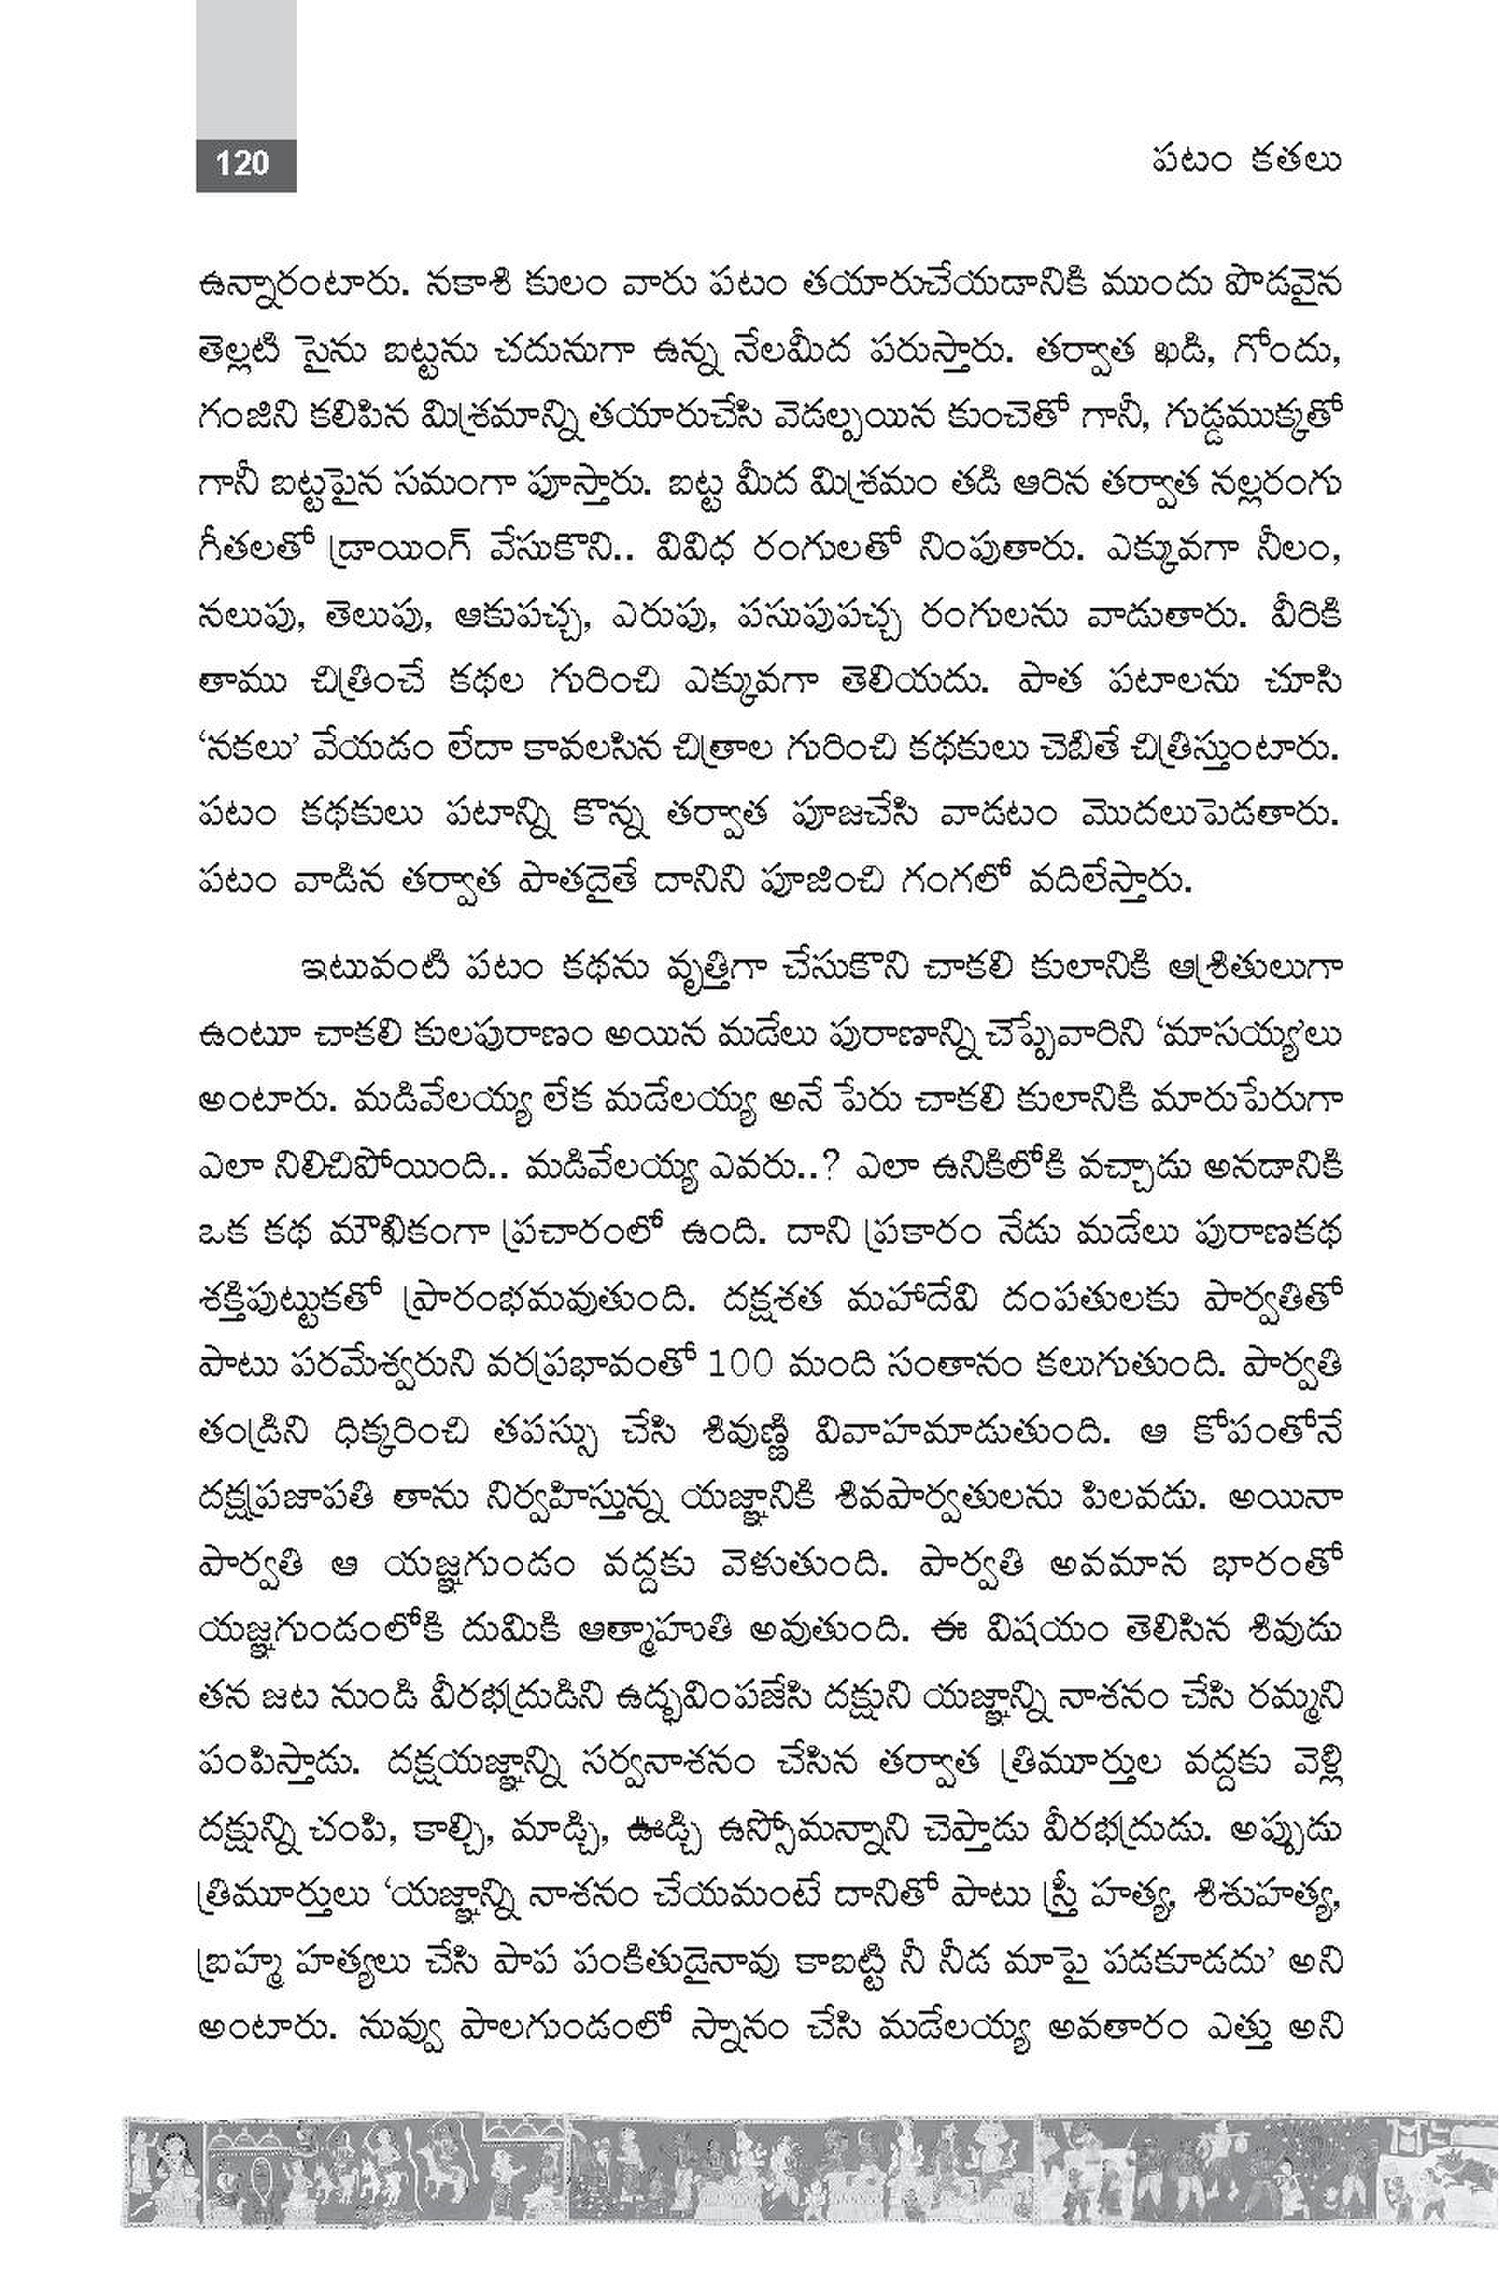ఉన్నారంటారు. నకాశి కులం వారు పటం తయారుచేయడానికి ముందు పొడవైన తెల్లటి సైను బట్టను చదునుగా ఉన్న నేలమీద పరుస్తారు. తర్వాత ఖడి, గోండు, గంజిని కలిపిన మిశ్రమాన్ని తయారుచేసి వెడల్పయిన కుంచెతో గానీ, గుడ్డముక్కతో గానీ బట్టపైన సమంగా పూస్తారు. బట్ట మీద మిశ్రమం తడి ఆరిన తర్వాత నల్లరంగు గీతలతో డ్రాయింగ్ వేసుకొని.. వివిధ రంగులతో నింపుతారు. ఎక్కువగా నీలం, నలుపు, తెలుపు, ఆకుపచ్చ, ఎరుపు, పసుపుపచ్చ రంగులను వాడుతారు. వీరికి తాము చిత్రించే కథల గురించి ఎక్కువగా తెలియదు. పాత పటాలను చూసి 'నకలు' వేయడం లేదా కావలసిన చిత్రాలు గురించి కథకులు చెబితే చిత్రిస్తుంటారు. పటం కథకులు పటాన్ని కొన్న తర్వాత పూజచేసి వాడటం మొదలు పెడతారు. పటం వాడిన తర్వాత పాతదైతే దానిని పూజించి గంగలో వదిలేస్తారు.

ఇటువంటి పటం కథను వృత్తిగా చేసుకొని చాకలి కులానికి ఆశ్రితులుగా ఉంటూ చాకలి కులపురాణం అయిన మడేలు పురాణాన్ని చెప్పేవారిని 'మాసయ్యలు అంటారు. మడివేలయ్య లేక మదేలయ్య అనే పేరు చాకలి కులానికి మారుపేరుగా
ఎలా నిలిచిపోయింది.. మడివేలయ్య ఎవరు..? ఎలా ఉనికిలోకి వచ్చాడు అనడానికి ఒక కథ మౌఖికంగా ప్రచారంలో ఉంది. దాని ప్రకారం నేడు మడేలు పురాణకథ శక్తిపుట్టుకతో ప్రారంభమవుతుంది. దక్షశత మహాదేవి దంపతులకు పార్వతితో పాటు పరమేశ్వరుని వరప్రభావంతో 100 మంది సంతానం కలుగుతుంది. పార్వతి తండ్రిని ధిక్కరించి తపస్సు చేసి శివుణ్ణి వివాహమాడుతుంది. ఆ కోపంతోనే దక్షప్రజాపతి తాను నిర్వహిస్తున్న యజ్ఞానికి శివపార్వతులను పిలవడు. అయినా పార్వతి ఆ యజ్ఞగుండం వద్దకు వెళుతుంది. పార్వతి అవమాన భారంతో యజ్ఞగుండంలోకి దుమికి ఆత్మాహుతి అవుతుంది. ఈ విషయం తెలిసిన శివుడు తన జట నుండి వీరభద్రుడిని ఉద్భవింపజేసి దక్షుని యజ్ఞాన్ని నాశనం చేసి రమ్మని పంపిస్తాడు. దక్షయజ్ఞాన్ని సర్వనాశనం చేసిన తర్వాత త్రిమూర్తుల వద్దకు వెళ్లి దక్షున్ని చంపి, కాల్చి, మాడ్చి, ఊడ్చి ఉస్సోమన్నాని చెప్తాడు వీరభద్రుడు. అప్పుడు త్రిమూర్తులు 'యజ్ఞాన్ని నాశనం చేయమంటే దానితో పాటు స్త్రీ హత్య, శిశుహత్య, బ్రహ్మ హత్యలు చేసి పాప పంకితుడైనావు కాబట్టి నీ నీడ మాపై పడకూడదు' అని అంటారు. నువ్వు పాలగుండంలో స్నానం చేసి మడేలయ్య అవతారం ఎత్తు అని